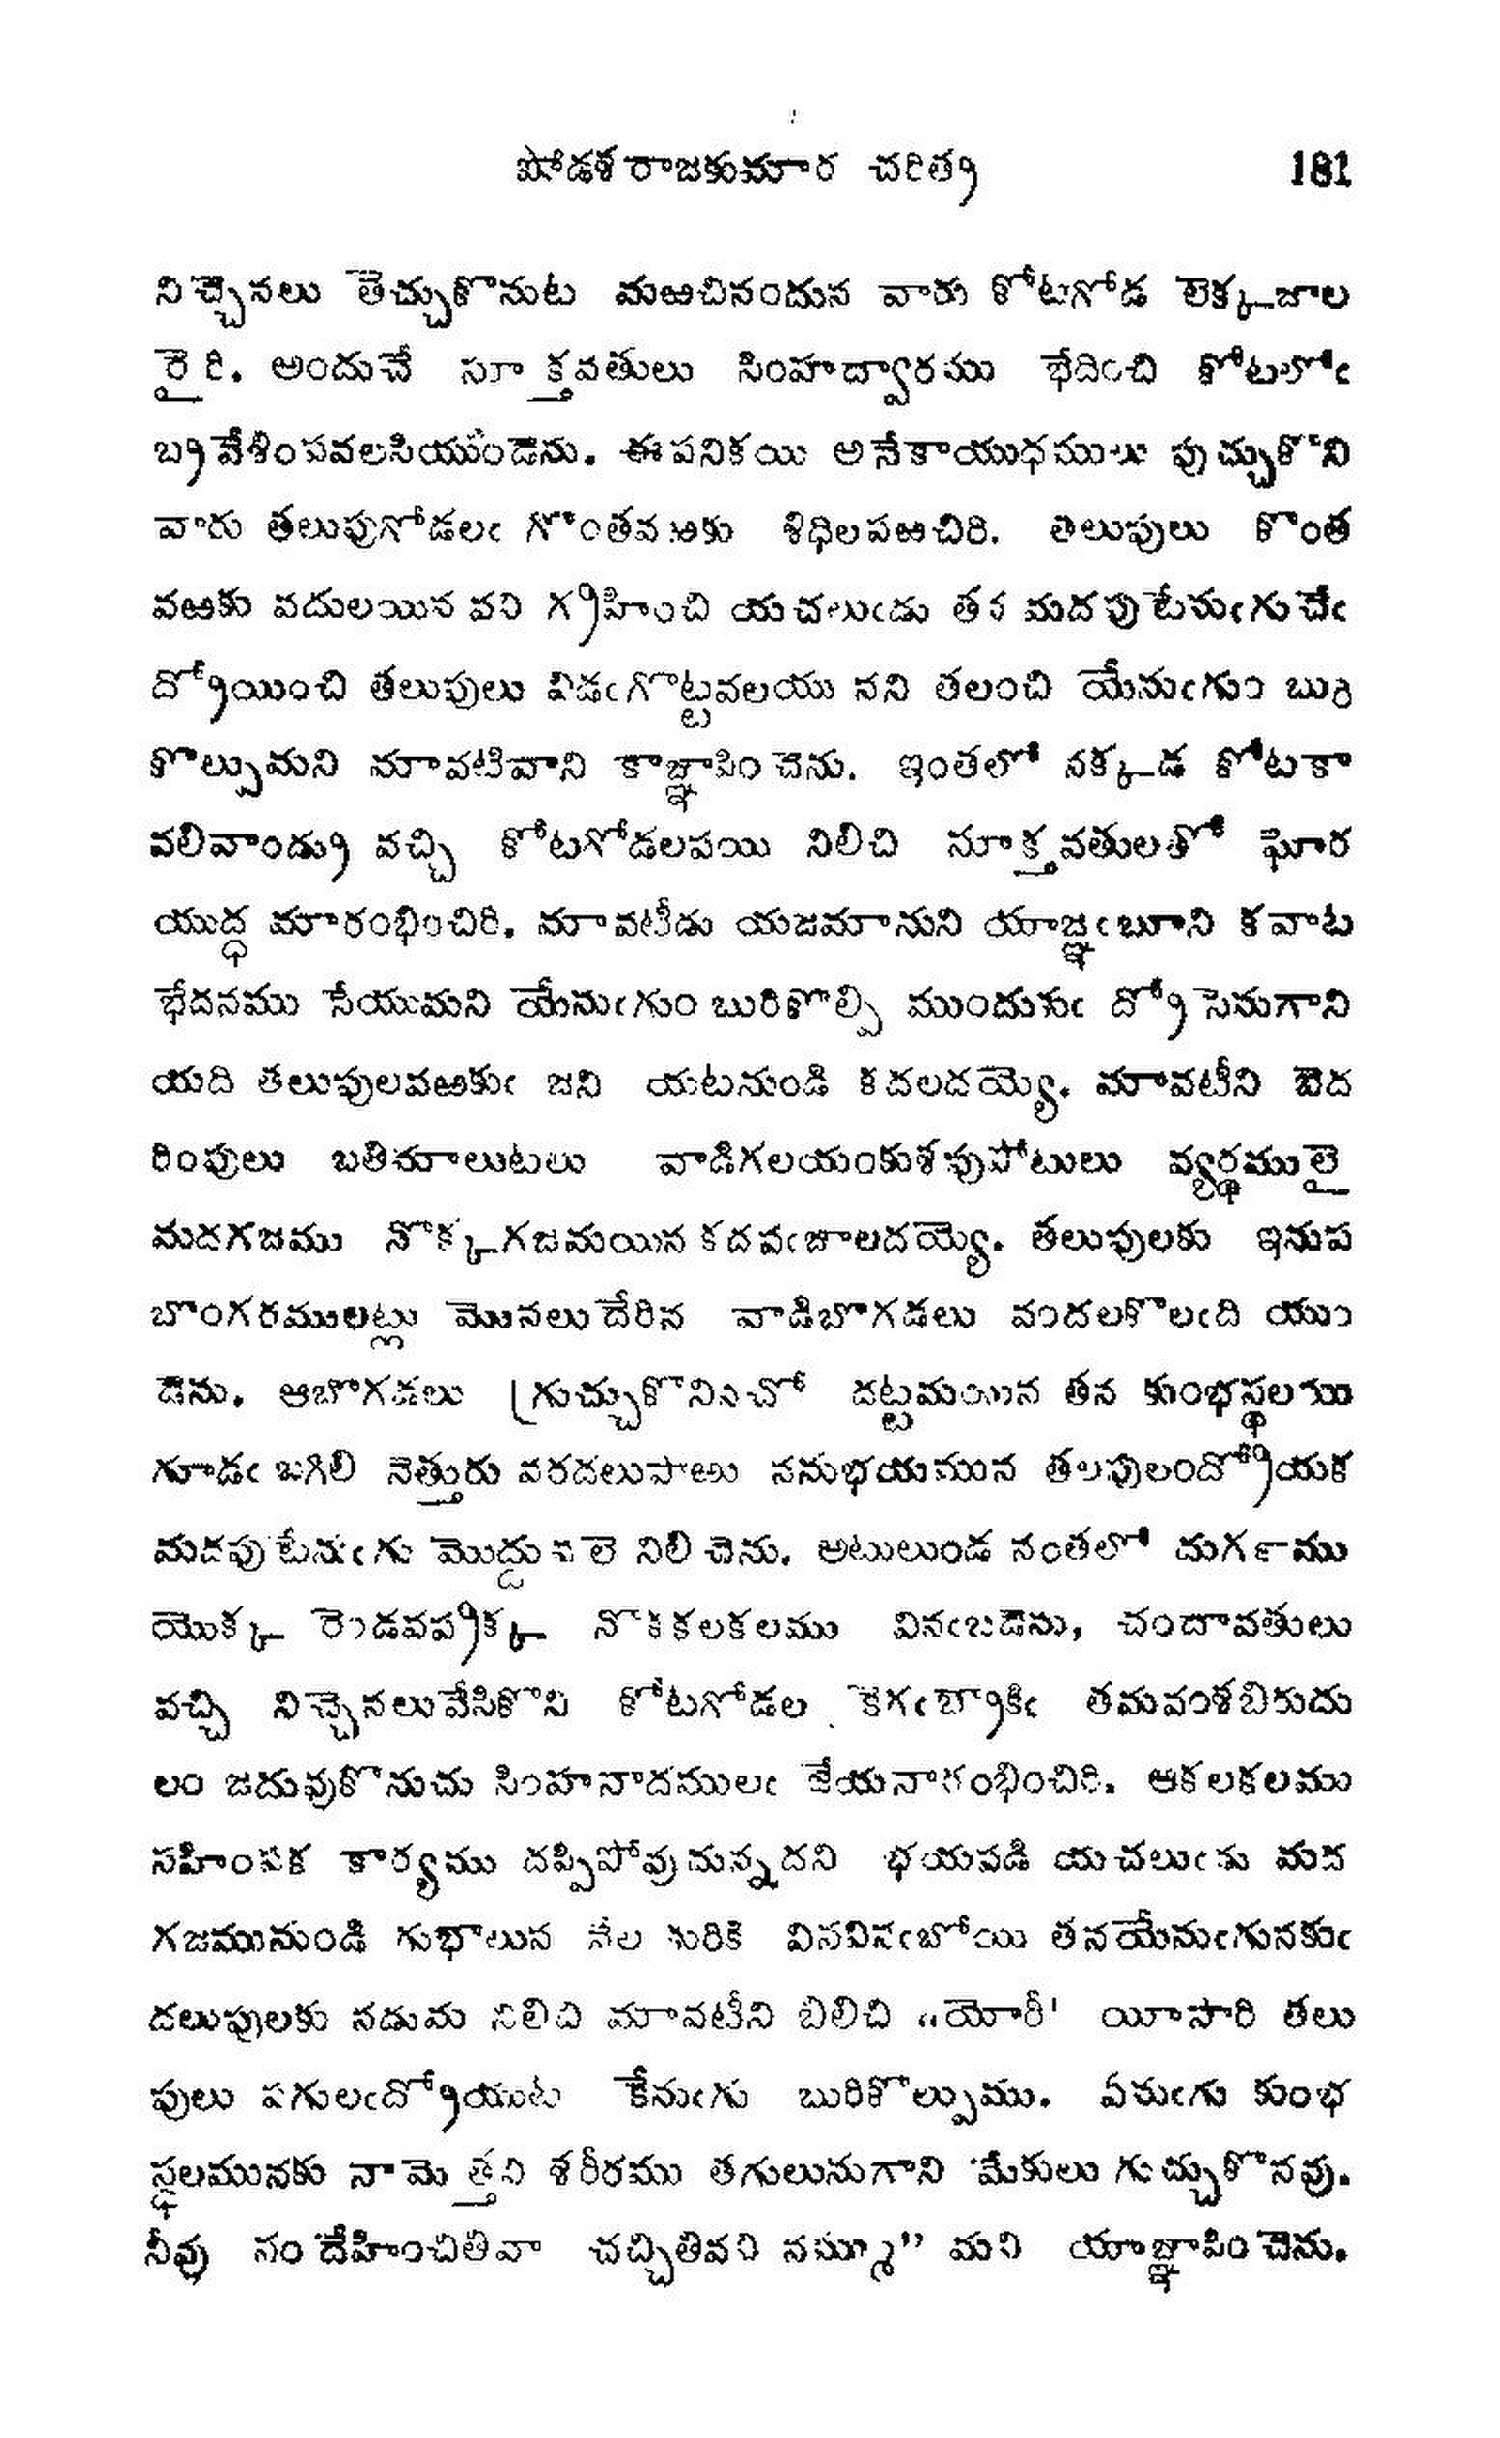నిచ్చెనలు తెచ్చుకొనుట మఱచినందున వారు కోటగోడ లెక్క జాలరైరి. అందుచే సూక్తవతులు సింహ ద్వారము భేదించి కోటలోఁ బ్రవేశింపవలసియుండెను. ఈ పనికయి అనేకాయుధములు పుచ్చుకొని వారు తలుపుగోడలఁ గొంతవఱకు శిధిల పఱచిరి. తలుపులు కొంత వఱకు వదులయిన వని గ్రహించి యచలుఁడు తన మదపుటేనుఁగుచేఁ ద్రోయించి తలుపులు విడఁ గొట్టవలయు నని తలంచి యేనుఁగుఁ బురి కొల్పుమని మావటివాని కాజ్ఞాపించెను. ఇంతలో నక్కడ కోటకావలివాండ్రు వచ్చి కోటగోడలపయి నిలిచి సూక్తవతులతో ఘోర యుద్ధ మారంభించిరి, మావటీడు యజమానుని యాజ్ఞఁ బూని కవాటభేదనము సేయుమని యేనుఁగుం బురికొల్పి ముందుకుఁ ద్రోసెనుగాని యది తలుపులవఱకుఁ జని యటనుండి కదలదయ్యె. మావటీని బెదరింపులు బతిమాలుటలు వాడిగలయంకుశ పుపోటులు వ్యర్థములై మదగజము నొక్క గజమయిన కదపఁజూలదయ్యె. తలుపులకు ఇనుప బొంగరములట్లు మొనలు దేరిన వాడిబొగడలు వందలకొలఁది యుండెను. ఆబోగడలు గ్రుచ్చుకొనినచో దట్టమయిన తన కుంభస్థలము గూడఁ బగిలి నెత్తురు వరదలుపాఱు ననుభయమున తలపులంద్రోయక మదపుటేనుఁగు మొద్దువలె నిలిచెను. అటులుండ నంతలో దుగ౯ము యొక్క రెండవపక్క నొక కలకలము వినఁబడెను, చందావతులు వచ్చి నిచ్చెనలు వేసికొని కోటగోడల కెగఁబ్రాకి తమవంశ బిరుదు
లం జదువుకొనుచు సింహనాదములఁ జేయనారంభించి, ఆకలకలము సహింపక కార్యము దప్పిపోవు చున్నదని భయపడి యచలుఁడు మద గజము నుండి గుభాలున నేల కురికి విసవిసఁబోయి తనయేనుఁగునకుఁ
దలుపులకు నడుమ నిలిచి మావటీని బిలిచి "యోరీ' యీసారి తలుపులు పగులఁద్రోయుట కేనుఁగు
బురికోల్పుము. ఏనుఁగు కుంభ స్థలమునకు నా మెత్తని శరీరము తగులునుగాని 'మేకులు గుచ్చుకొనవు.
నీవు సందేహించితివా చచ్చితివని నమ్ము” మని యాజ్ఞాపించెను.